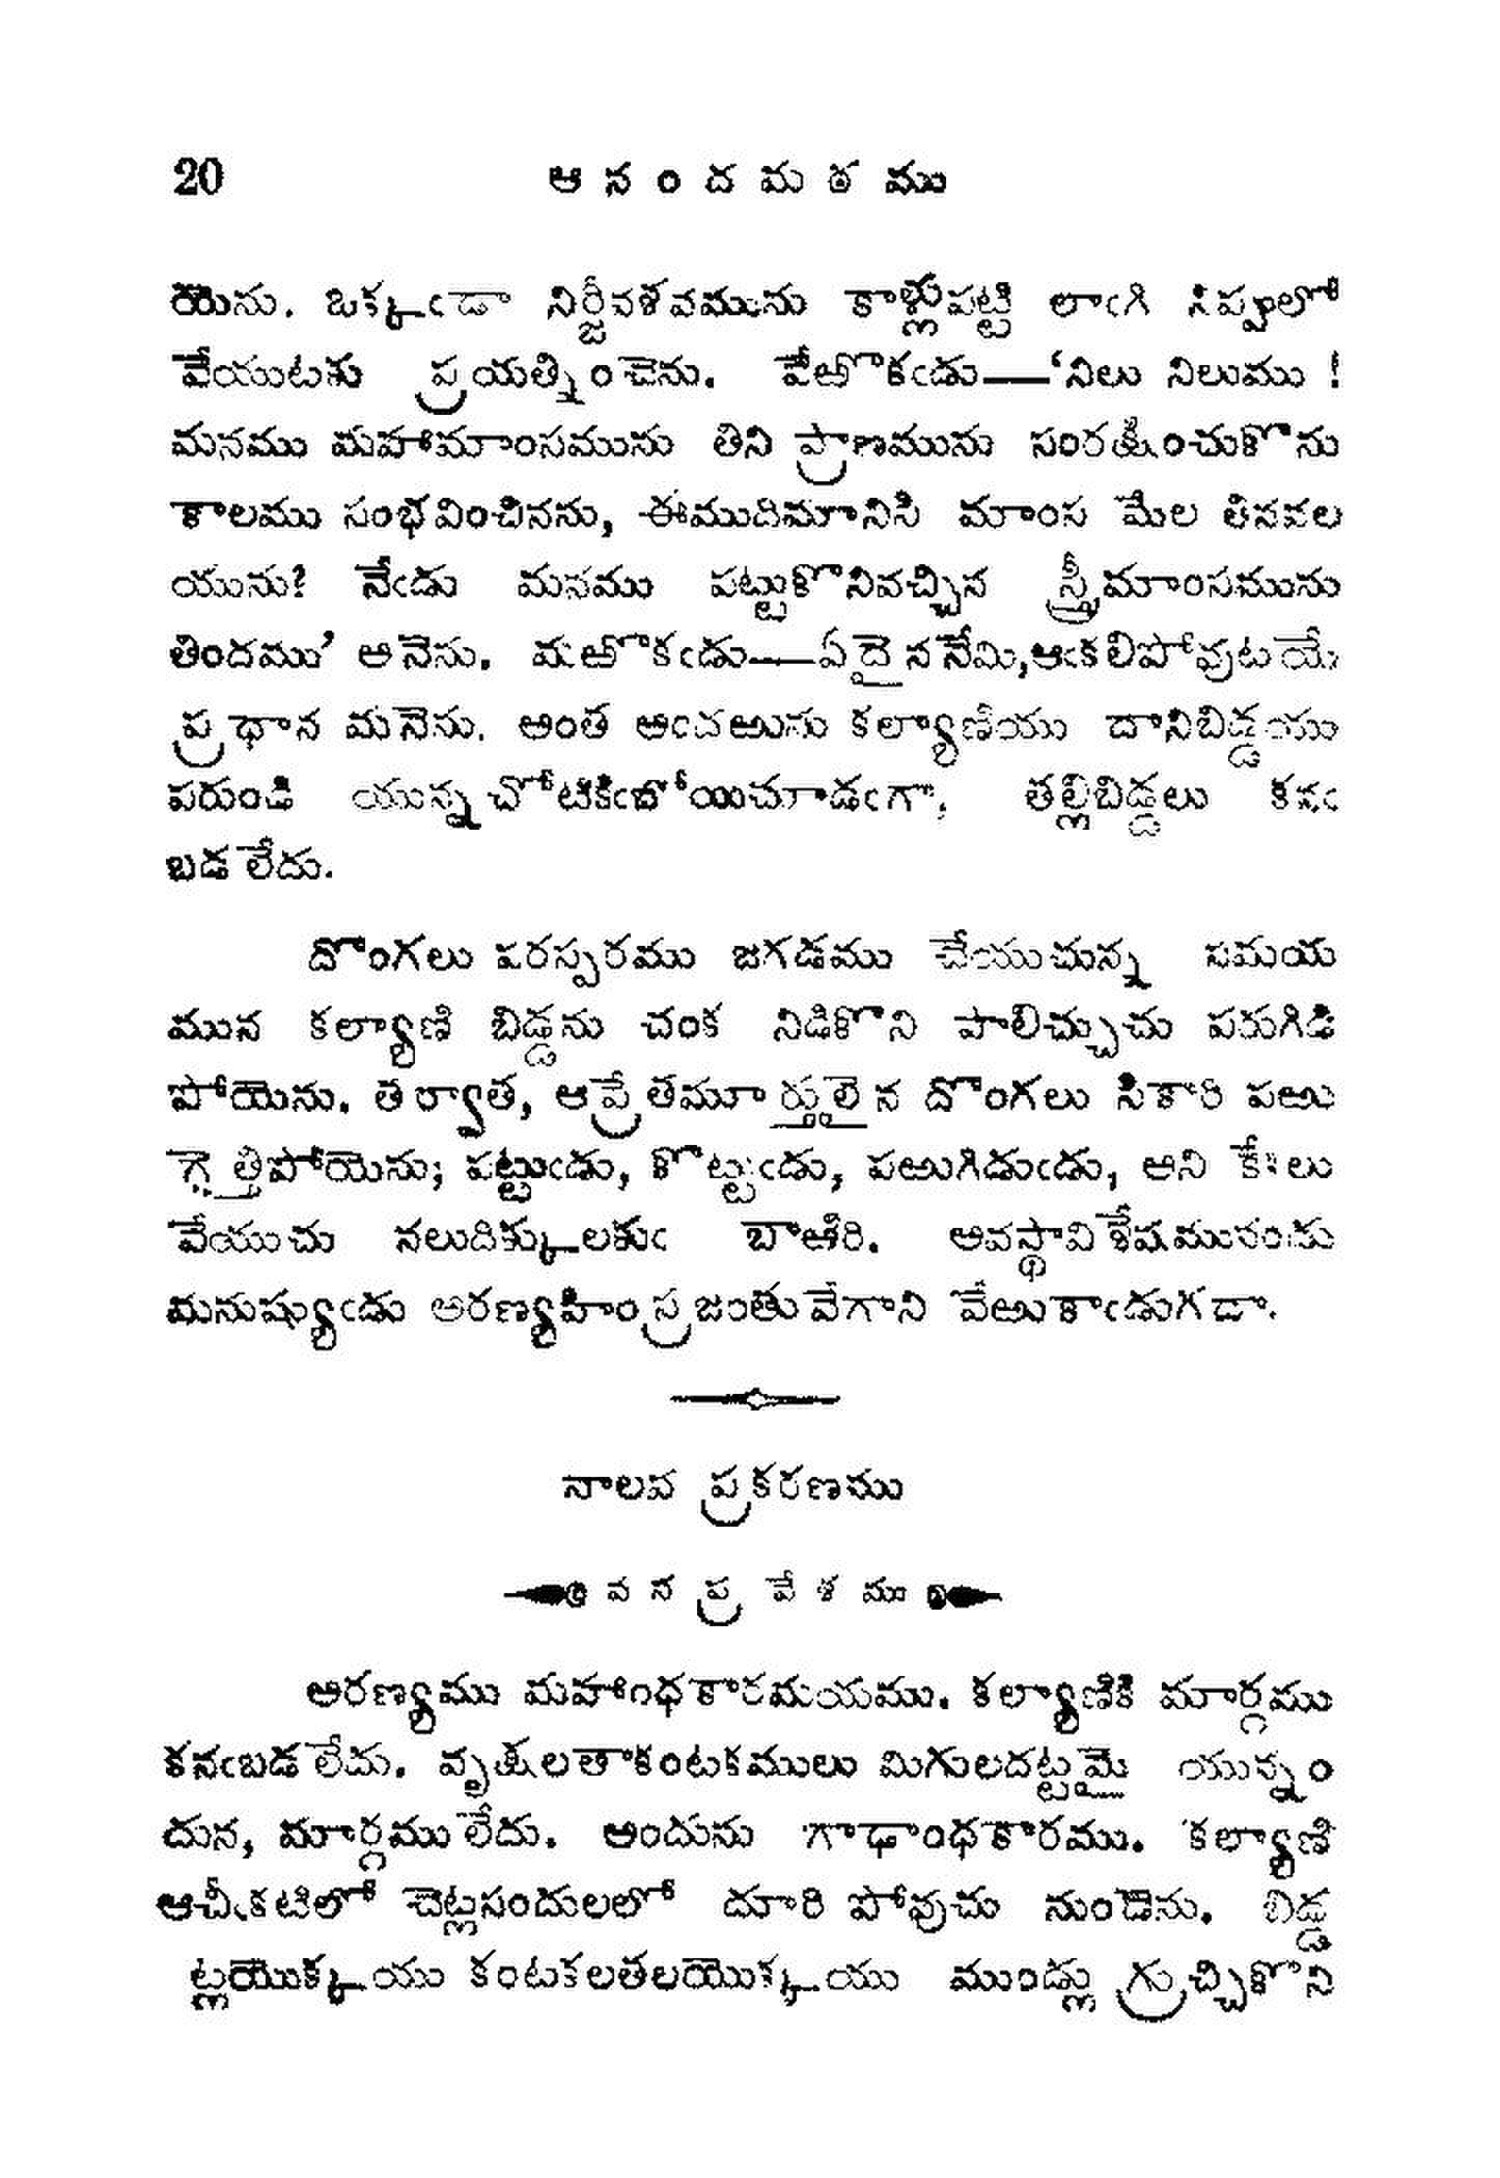యెను. ఒక్కఁడా నిర్జీవశవమును కాళ్లు పట్టి లాఁగి ఉప్పులో వేయుటకు ప్రయత్నించెను. వేఱోకఁడు — 'నిలు నిలుము ! మనము మహామాంసమును తిని ప్రాణమును సంరక్షించుకొను కాలము సంభవించినను, ఈముదిమానిసి మాంస మేల తినవలయును? నేఁడు మనము పట్టుకొనివచ్చిన స్త్రీమాంసమును తిందము' అనెను. మఱోకఁడు—— ఏదైననేమి, ఆఁకలిపోవుటయే ప్రధాన మనెను. అంత ఆందఱును కల్యాణీయు దానిబిడ్డను పరుండి యున్న చోటికిఁబోయిచూడఁగా, తల్లి బిడ్డలు కనఁబడ లేదు.

దొంగలు పరస్పరము జగడము చేయుచున్న సమయమున కల్యాణి బిడ్డను చంక నిడిగొని పాలిచ్చుచు పరుగిడి పోయెను. తర్వాత, ఆ ప్రేతమూర్తులైన దొంగలు సికారి పఱుగెత్తిపోయెను; పట్టుఁడు, కొట్టుఁడు, పఱుగిడుఁడు, అని కేకలు వేయుచు నలుదిక్కులకుఁ బాఱిరి. అవస్థావిశేషమునందు మనుష్యుఁడు అరణ్యహింస్రజంతు వేగాని వేఱుశాఁడుగదా.

నాల్గవ ప్రకరణము

వనప్రవేశము

అరణ్యము మహాంధకారమయము. కల్యాణికి మార్గము కనఁబడ లేదు. వృక్షలతా కంటకములు మిగులదట్టమై యున్నందున, మార్గము లేదు. అందును గాఢాంధకారము. 'కల్యాణి ఆచీకటిలో చెట్లసందులలో దూరి పోవుచు నుండెను. బిడ్డట్లయొక్కయు కంటకలతల యొక్కయు ముండ్లు గ్రుచ్చికొని